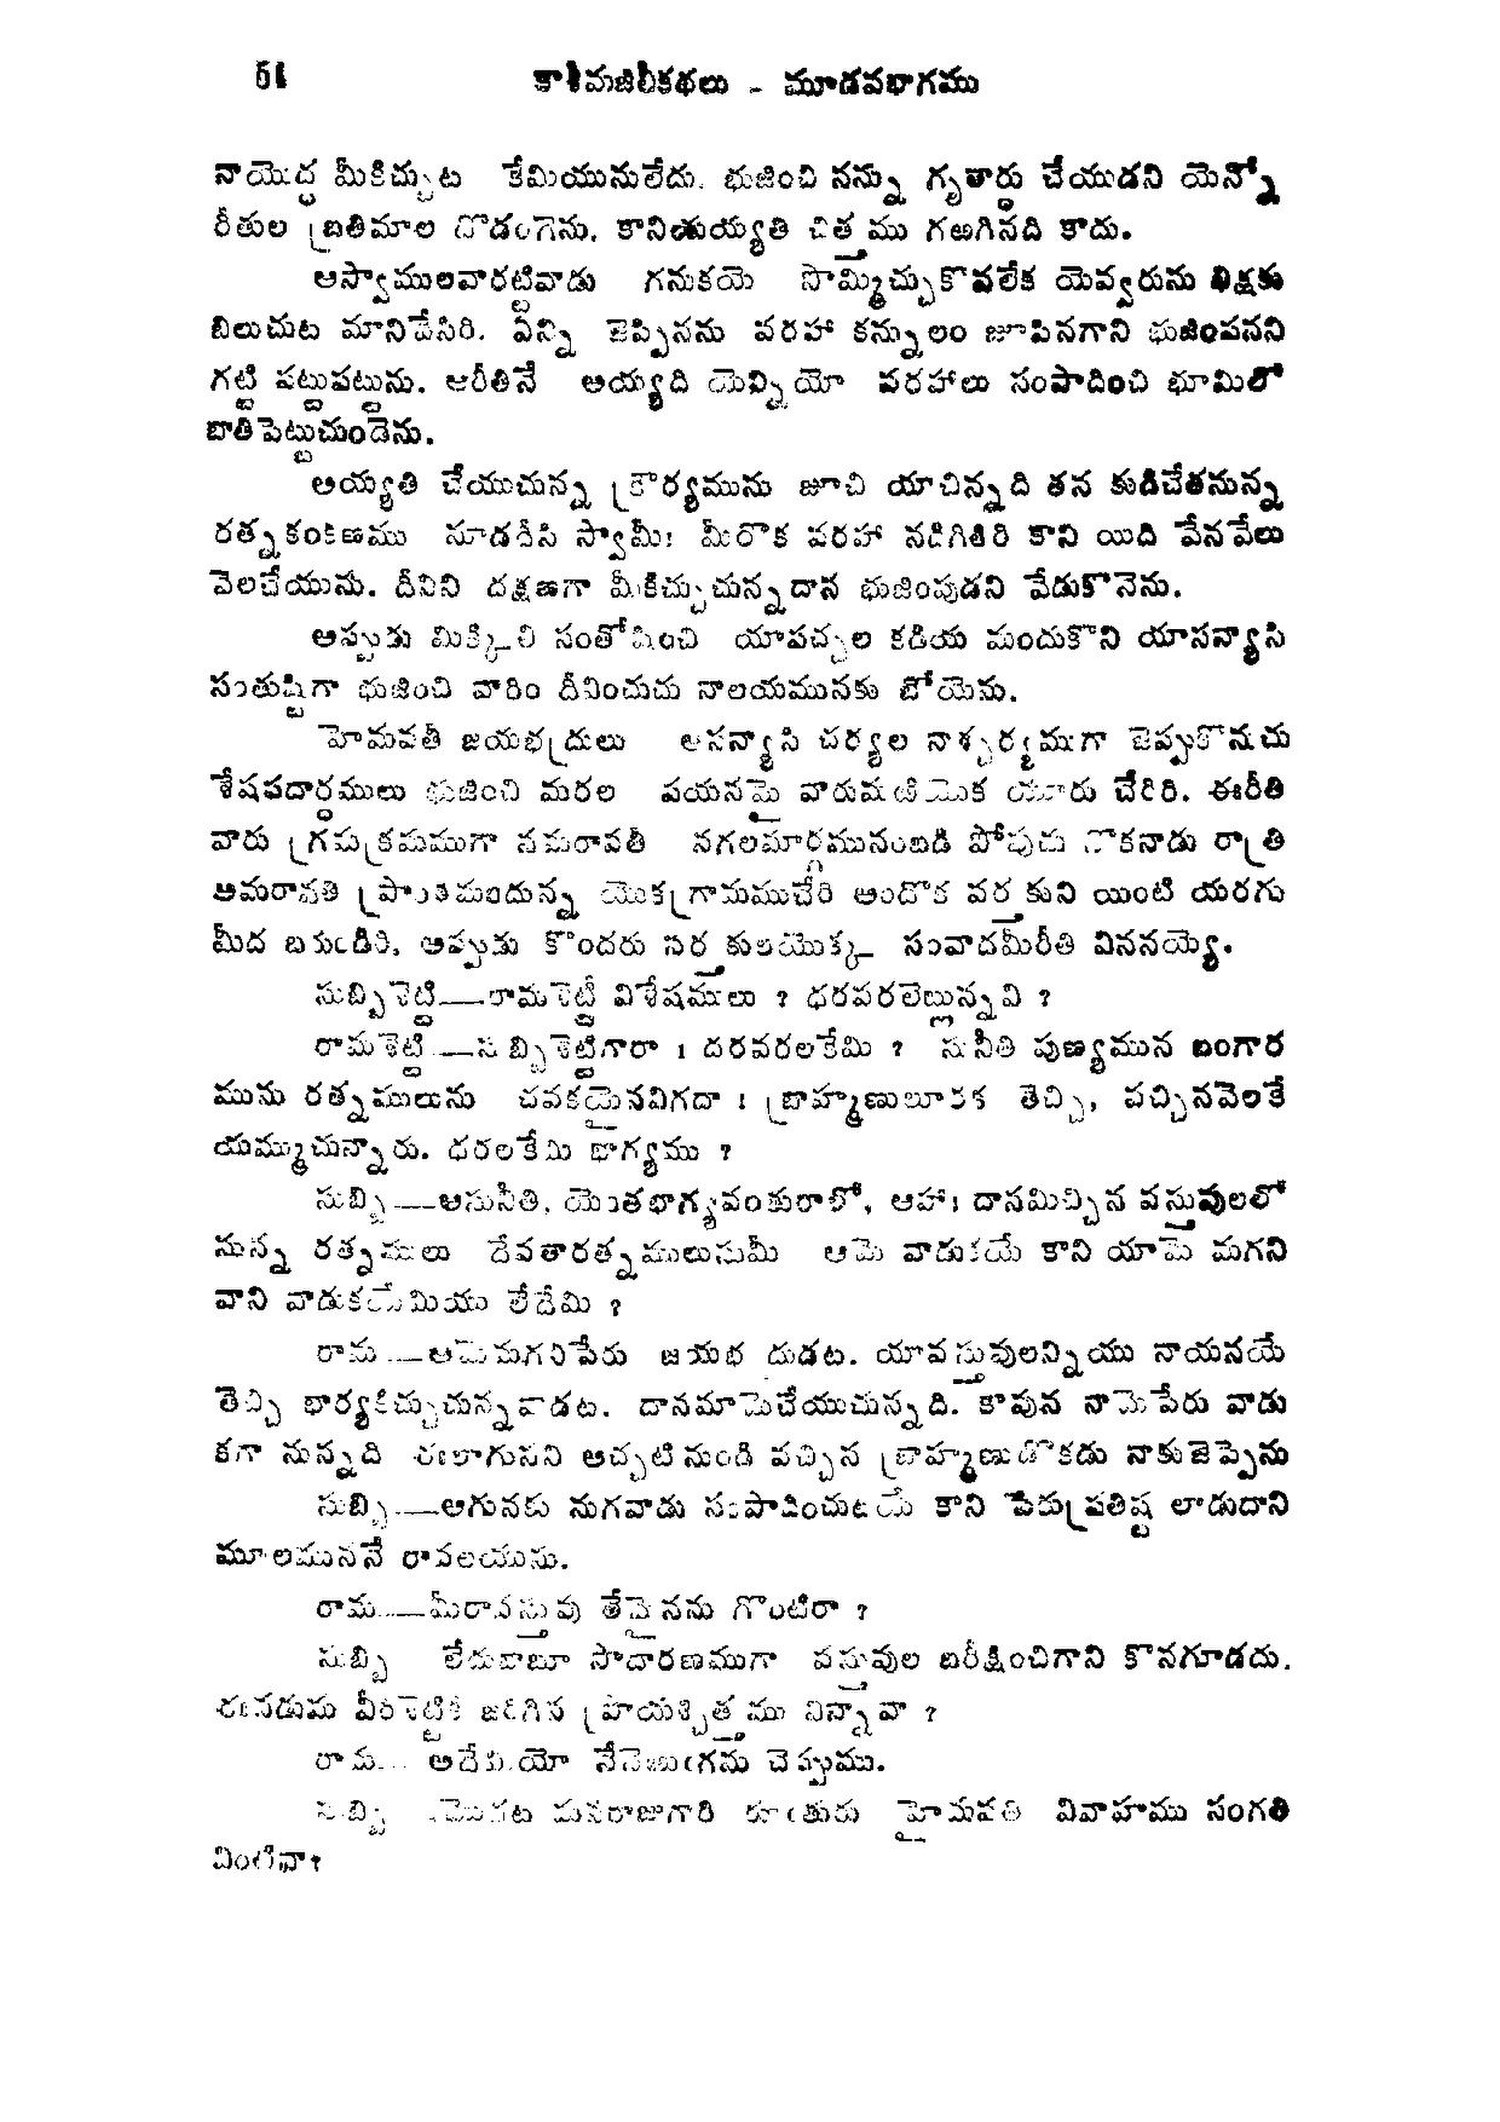నాయొద్ద మీకిచ్చుట కేమియునులేదు. భుజించి నన్ను గృతార్దు చేయుడని యెన్నోరీతుల బ్రతిమాల దొడంగెను. కానియయ్యతి చిత్తము గఱగినది కాదు.

ఆస్వాములవా రట్టివాడు గనుకయె సొమ్మిచ్చుకొనలేక యెవ్వరును భిక్షకు బిలుచుట మానివేసిరి. ఎన్ని జెప్పినను వరహా కన్నులం జూపినగాని భుజింపనని గట్టి పట్టుపట్టును. ఆరీతినే అయ్యతి యెన్నియో వరహాలు సంపాదించి భూమిలో బాతిపెట్టుచుండెను.

అయ్యతి చేయుచున్న క్రౌర్యమును జూచి యాచిన్నది తన కుడిచేతనున్న రత్నకంకణము నూడదీసి స్వామీ! మీరొక వరహా నడిగితిరి కాని యిది వేన వేలు వెలచేయును. దీనిని దక్షణగా మీకిచ్చుచున్న దాన భుజింపుడని వేడుకొనెను.

అప్పుడు మిక్కిలి సంతోషించి యాపచ్చలకడియ మందుకొని యాసన్యాసి సంతుష్టిగా భుజించి వారిం దీవించుచు నాలయమునకు బోయెను.

హైమవతీ జయభద్రులు ఆసన్యాసి చర్యల నాశ్చర్యముగా జెప్పుకోనుచు శేషపదార్ధములు భుజించి మరల పయనమై వారుమఱియొక యూరు చేరిరి. ఈరీతి వారు గ్రమక్రమముగా నమరావతీ నగరమార్గమునంబడి పోవుచు నొకనాడు రాత్రి అమరావతి ప్రాంతమందున్న యొక గ్రామముచేరి అందొక వర్తకుని యింటి యరగుమీద బరుండిరి. అప్పుడు కొందరు వర్తకులయొక్క సంవాదమీరీతి విననయ్యె.

సుబ్బిశెట్టి -- రామశెట్టీ విశేషములు? ధరవరలెట్లున్నవి?

రామశెట్టి - సుబ్బి శెట్టిగారా! దరవరలకేమి? సునీతి పుణ్యమున బంగారమును రత్నములును చవకయైనవిగదా! బ్రాహ్మణులూరక తెచ్చి, వచ్చినవెలకే యమ్ముచున్నారు. ధరలకేమి భాగ్యము?

సుబ్బి -- ఆసునీతి, యెంతభాగ్యవంతురాలో, ఆహా! దానమిచ్చిన వస్తువులలో నున్న రత్నములు దేవతారత్నములు సుమీ ఆమె వాడుకయే కాని యామె మగని వాని వాడుకయేమియు లేదేమి?

రామ - ఆమెమగనిపేరు జయభద్రుడట. యావస్తువులన్నియు నాయనయే తెచ్చి భార్యకిచ్చుచున్న వాడట. దాన మామె చేయుచున్నది. కావున నామెపేరు వాడుకగా నున్నది. ఈలాగునని అచ్చటి నుండి వచ్చిన బ్రాహ్మణు డొకడు నాకు జెప్పెను.

సుబ్బి - అగునకు మగవాడు సంపాదించుటయే కాని పేరుప్రతిష్ట లాడుదాని మూలముననే రావలయును.

రామ - మీరావస్తువు లేమైనను గొంటిరా ?

సుబ్బి. - లేదుబాబూ సాదారణముగా వస్తువుల బరీక్షించిగాని కొనగూడదు. ఈనడుమ వీరశెట్టికి జరిగిన ప్రాయశ్చిత్తము విన్నావా ?

రామ - అదేమియో నేనెఱుఁగను చెప్పుము.

సుబ్బి - మొదట మనరాజుగారి కూఁతురు హైమవతి వివాహము సంగతి వింటివా?